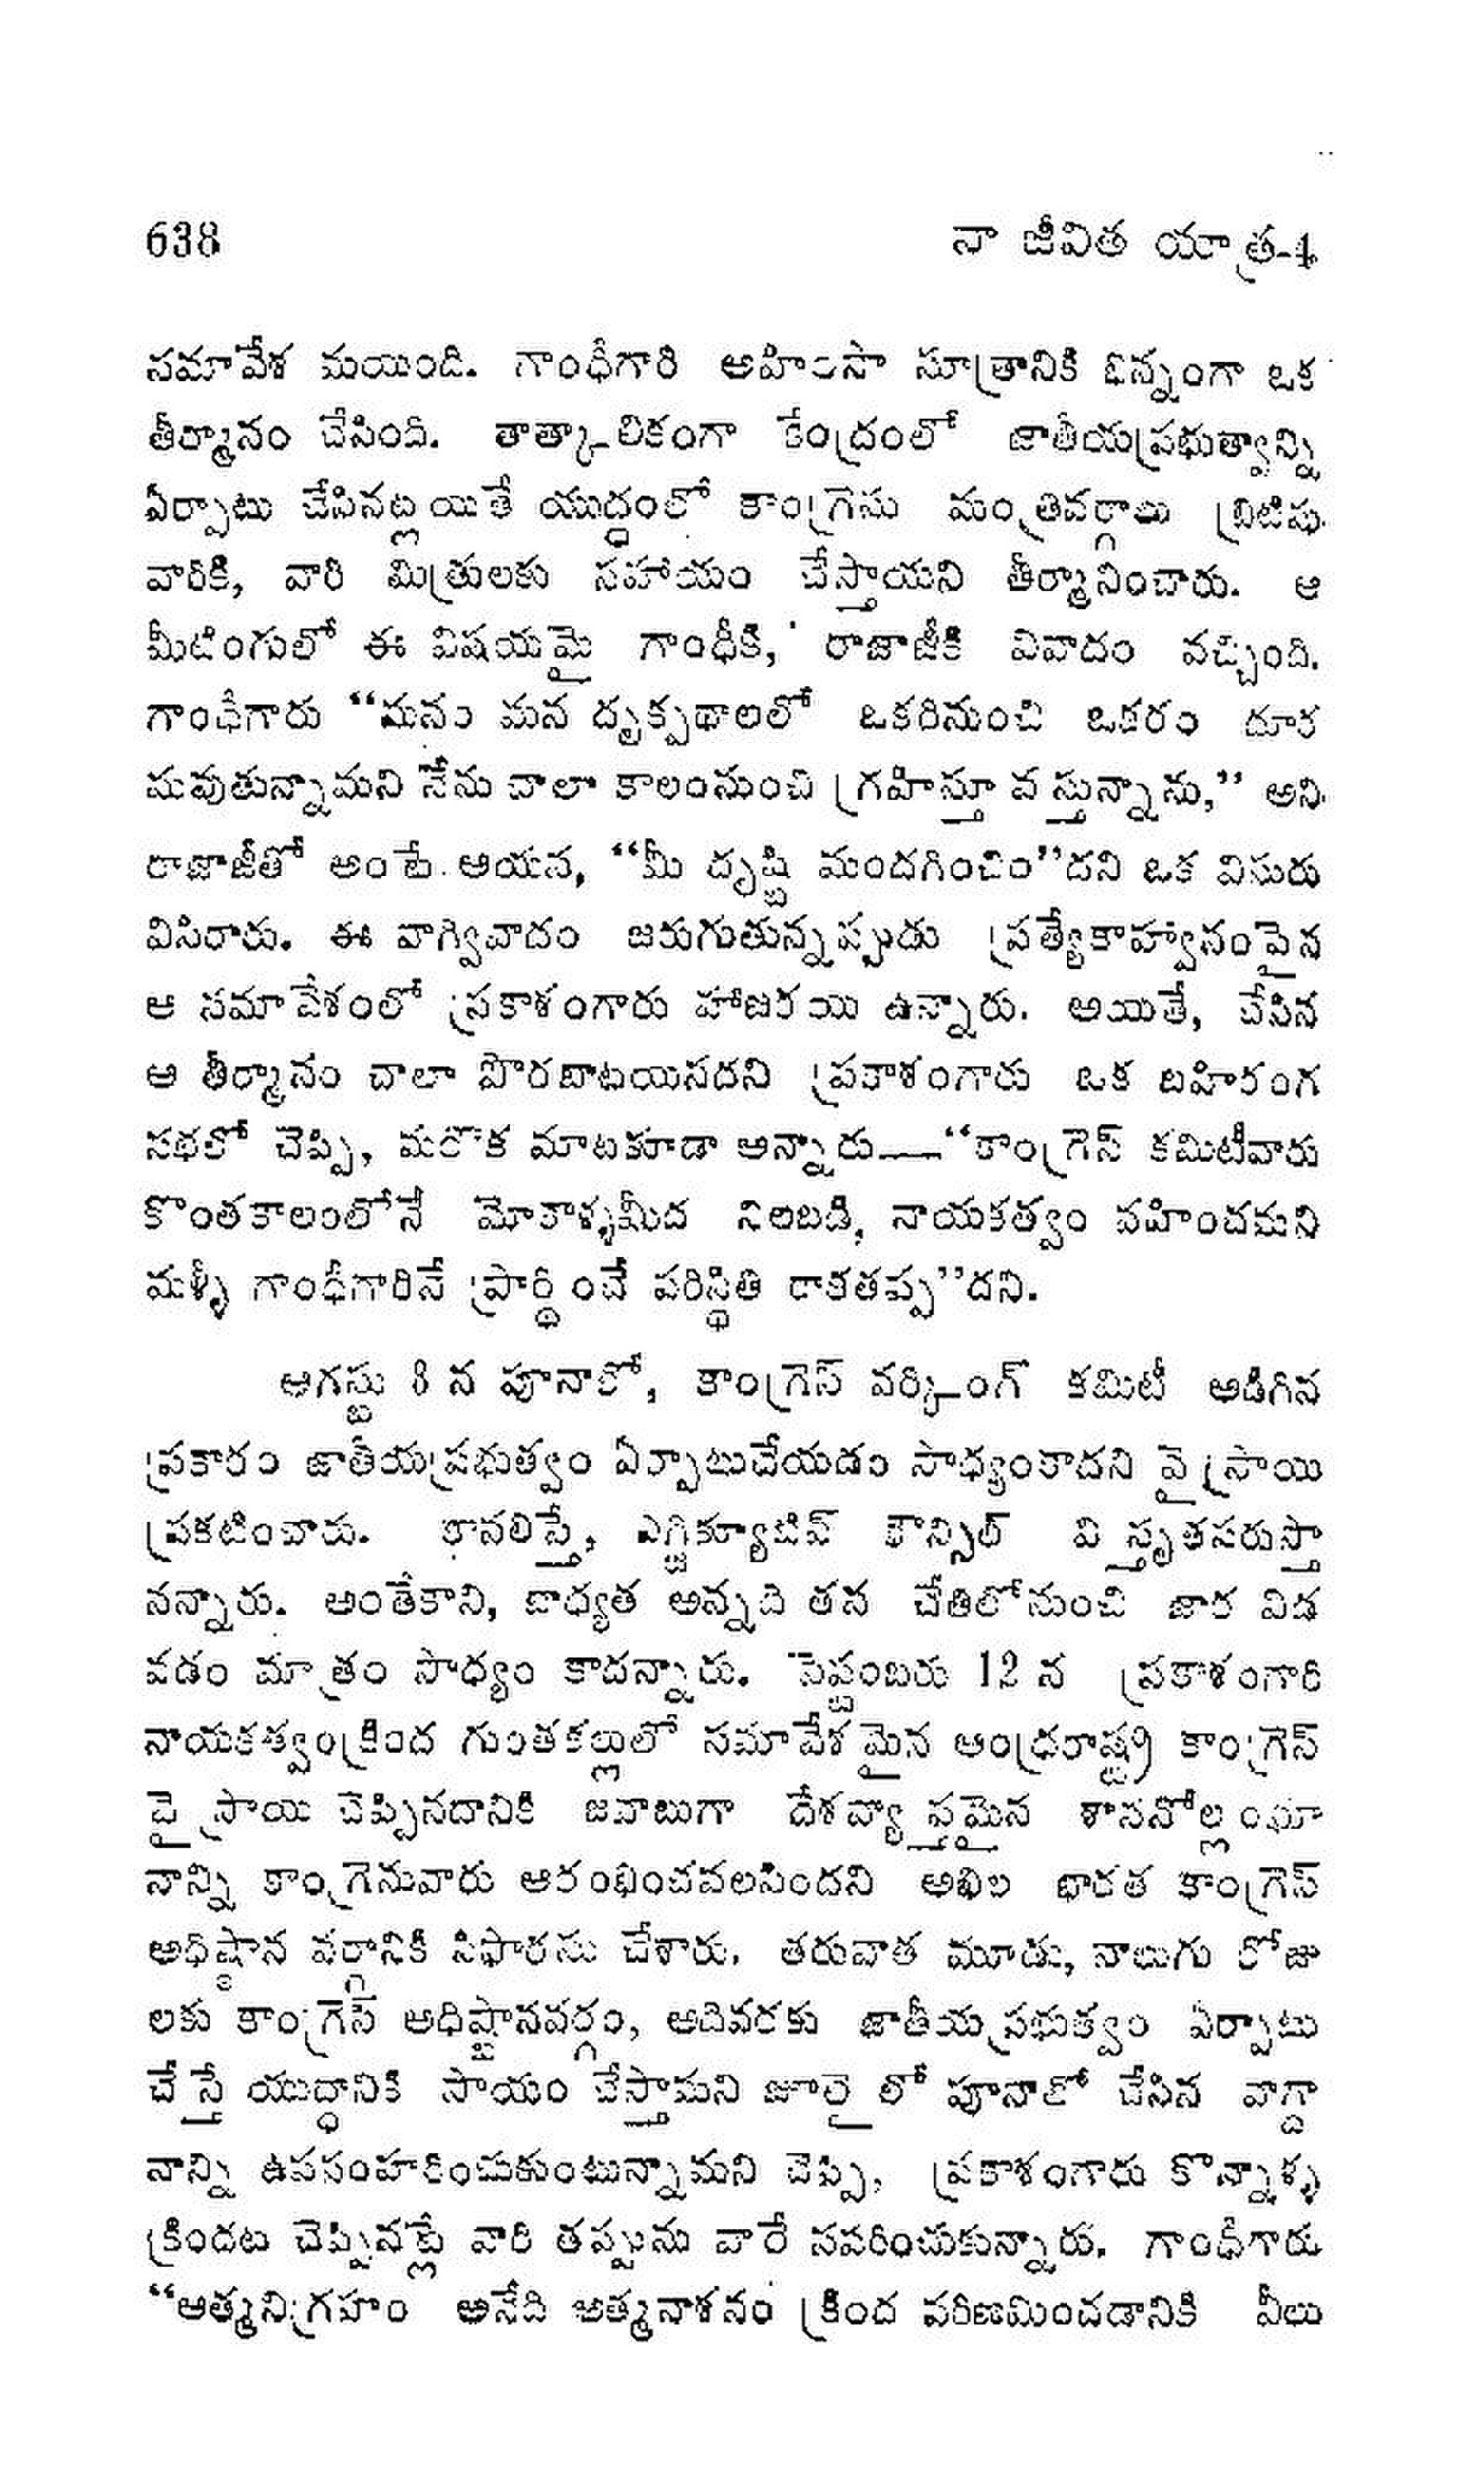సమావేశ మయింది. గాంధీగారి అహింసా సూత్రానికి భిన్నంగా ఒక తీర్మానం చేసింది. తాత్కాలికంగా కేంద్రంలో జాతీయప్రభుత్వాన్ని ఏర్పాటు చేసినట్లయితే యుద్ధంలో కాంగ్రెసు మంత్రివర్గాలు బ్రిటిషువారికి, వారి మిత్రులకు సహాయం చేస్తాయని తీర్మానించారు. ఆ మీటింగులో ఈ విషయమై గాంధీకి, రాజాజీకి వివాదం వచ్చింది. గాంధీగారు "మనం మన దృక్పథాలలో ఒకరినుంచి ఒకరం దూరమవుతున్నామని నేను చాలా కాలంనుంచి గ్రహిస్తూ వస్తున్నాను," అని రాజాజీతో అంటే ఆయన, "మీ దృష్టి మందగించిం"దని ఒక విసురు విసిరారు. ఈ వాగ్వివాదం జరుగుతున్నప్పుడు ప్రత్యేకాహ్వానంపైన ఆ సమావేశంలో ప్రకాశంగారు హాజరయి ఉన్నారు. అయితే, చేసిన ఆ తీర్మానం చాలా పొరబాటయినదని ప్రకాశంగారు ఒక బహిరంగ సభలో చెప్పి, మరొక మాటకూడా అన్నారు - "కాంగ్రెస్ కమిటీవారు కొంతకాలంలోనే మోకాళ్ళమీద నిలబడి, నాయకత్వం వహించమని మళ్ళీ గాంధీగారినే ప్రార్థించే పరిస్థితి రాకతప్ప"దని.

ఆగస్టు 8 న పూనాలో, కాంగ్రెస్ వర్కింగ్ కమిటీ అడిగిన ప్రకారం జాతీయప్రభుత్వం ఏర్పాటుచేయడం సాధ్యంకాదని వైస్రాయి ప్రకటించారు. కావలిస్తే, ఎగ్జిక్యూటివ్ కౌన్సిల్ విస్తృతపరుస్తానన్నారు. అంతేకాని, బాధ్యత అన్నది తన చేతిలోనుంచి జార విడవడం మాత్రం సాధ్యం కాదన్నారు. సెప్టంబరు 12 న ప్రకాశంగారి నాయకత్వంక్రింద గుంతకల్లులో సమావేశమైన ఆంధ్రరాష్ట్ర కాంగ్రెస్ వైస్రాయి చెప్పినదానికి జవాబుగా దేశవ్యాప్తమైన శాసనోల్లంఘానాన్ని కాంగ్రెసువారు ఆరంభించవలసిందని అఖిల భారత కాంగ్రెస్ అధిష్ఠాన వర్గానికి సిఫారసు చేశారు. తరువాత మూడు, నాలుగు రోజులకు కాంగ్రెస్ అధిష్టానవర్గం, అదివరకు జాతీయప్రభుత్వం ఏర్పాటుచేస్తే యుద్ధానికి సాయం చేస్తామని జూలై లో పూనాలో చేసిన వాగ్దానాన్ని ఉపసంహరించుకుంటున్నామని చెప్పి, ప్రకాశంగారు కొన్నాళ్ళ క్రిందట చెప్పినట్లే వారి తప్పును వారే సవరించుకున్నారు. గాంధీగారు "ఆత్మనిగ్రహం అనేది ఆత్మనాశనం క్రింద పరిణమించడానికి వీలు